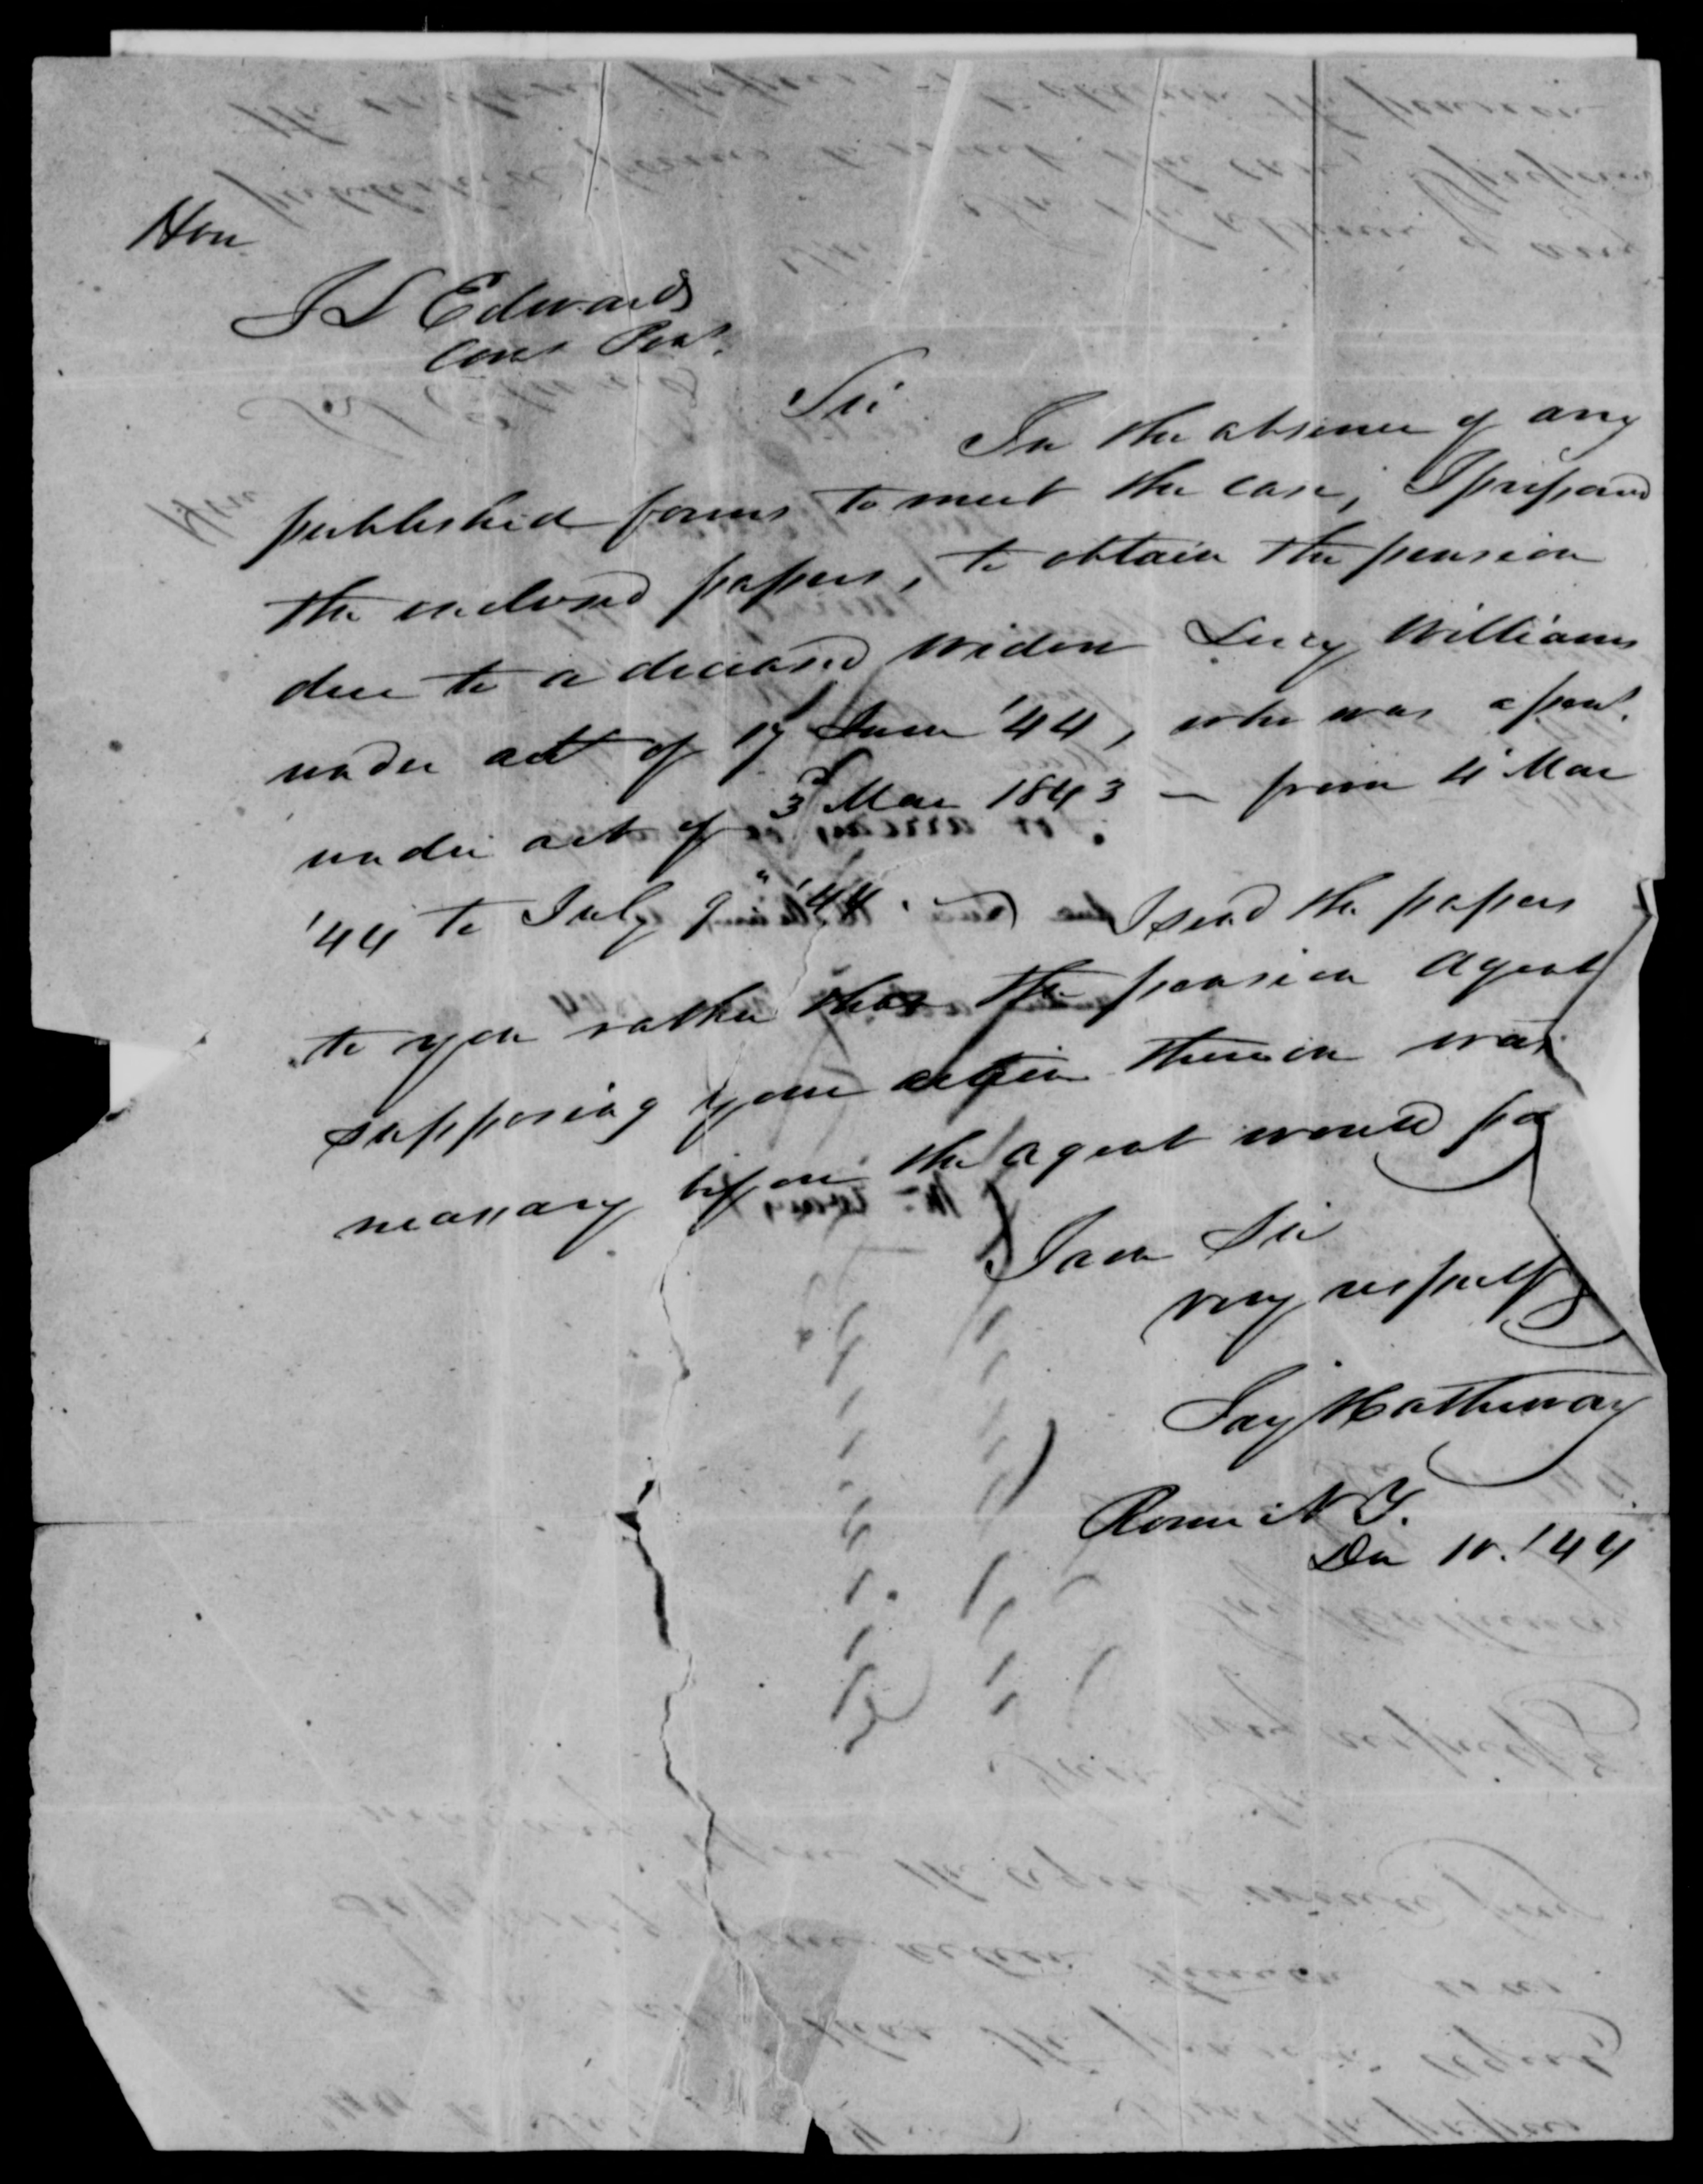Hon.
J L Edwards Con Peac
Sir 
In the absent of any published forms to meet the case, I performed the enclosed papers to obtain the pension due to a deceased widow Lucy Williams under act of June '44, who was a found under act of 3 Mar 1843 from 4 Mar '44 to July (illegible) I send the papers to you rather than the pension agst supporting your (illegible) thereon war (illegible) necessary before the agent would (illegible)
I am Sir very respectfully
Jay Hathaway
Rome N. Y. Dec 10, '44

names: Jay Hatheway, J L Edwards, Lucy Williams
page: 29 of 63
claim: widow's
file: W. 22,632, David Williams, Conn. Continental Privateer